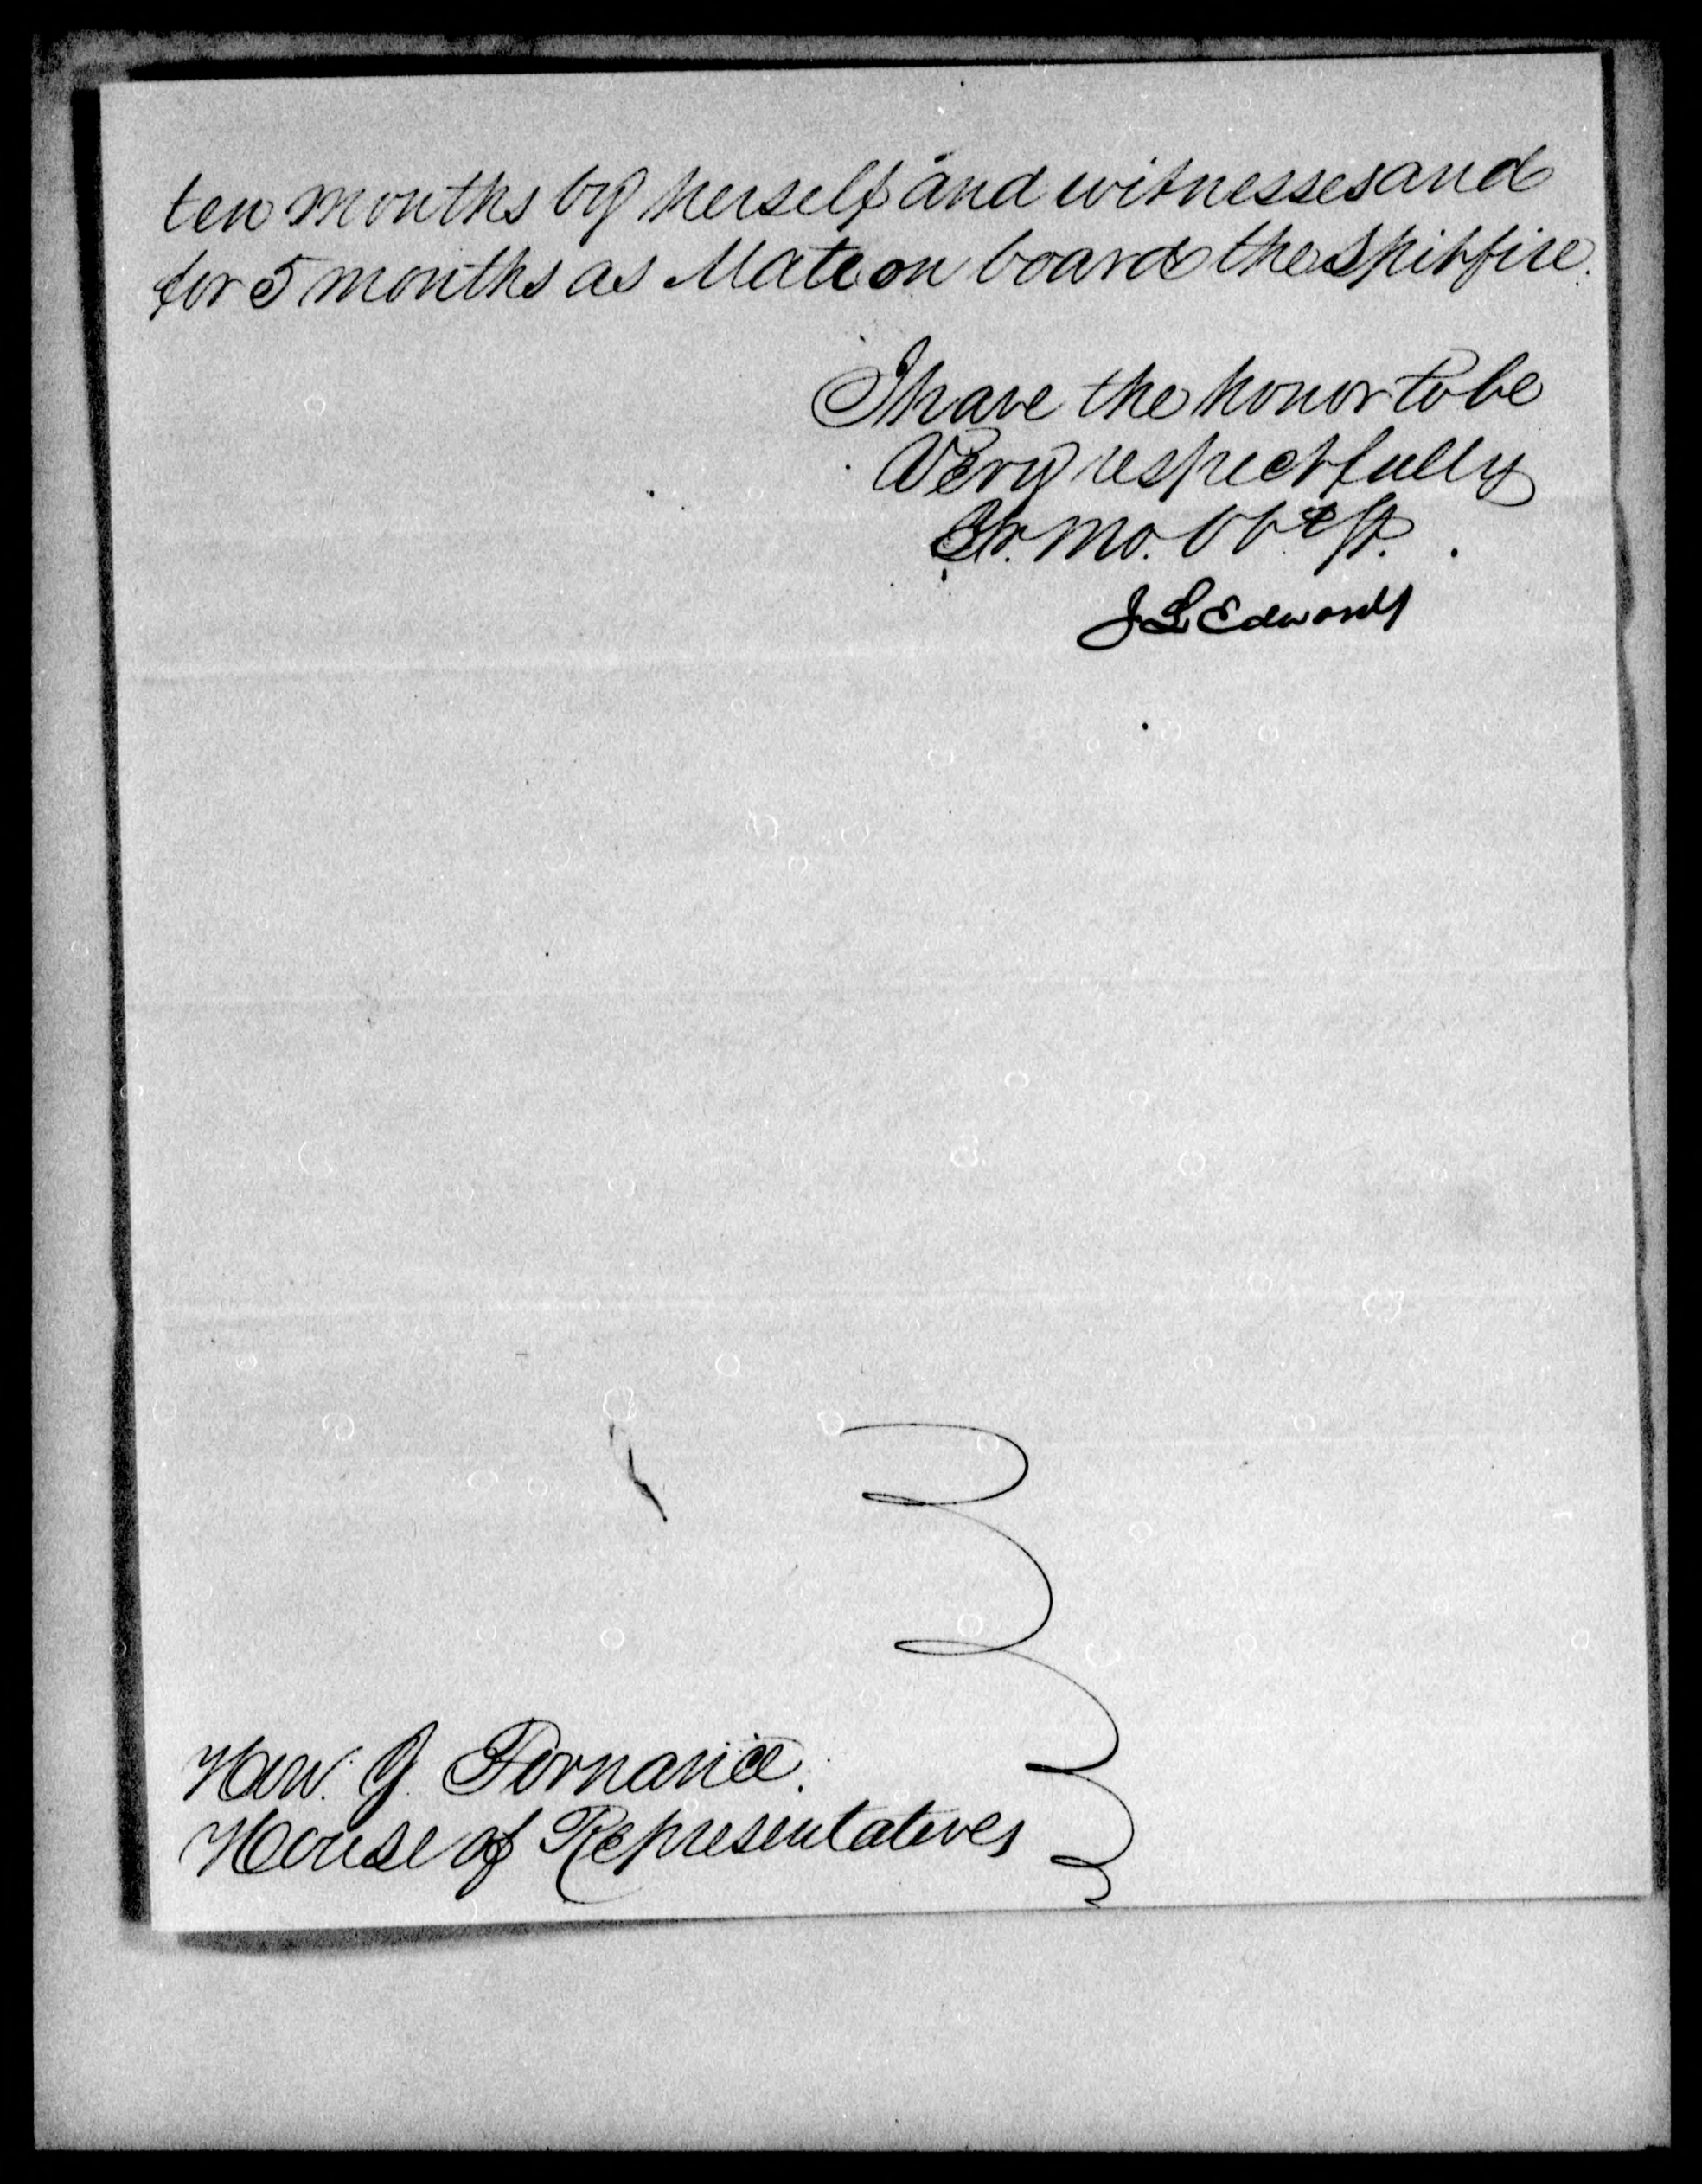ten months by herself and witnesses and for 5 months as Mate onboard the Spitfire.

I have the honor to be 
Very Respectfully
Yr mo. obt St.
[signed]
J. L. Edwards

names: J Fornance, J L Edwards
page: 61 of 102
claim: widow's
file: W. 18239, Isaac Van Wart, New York